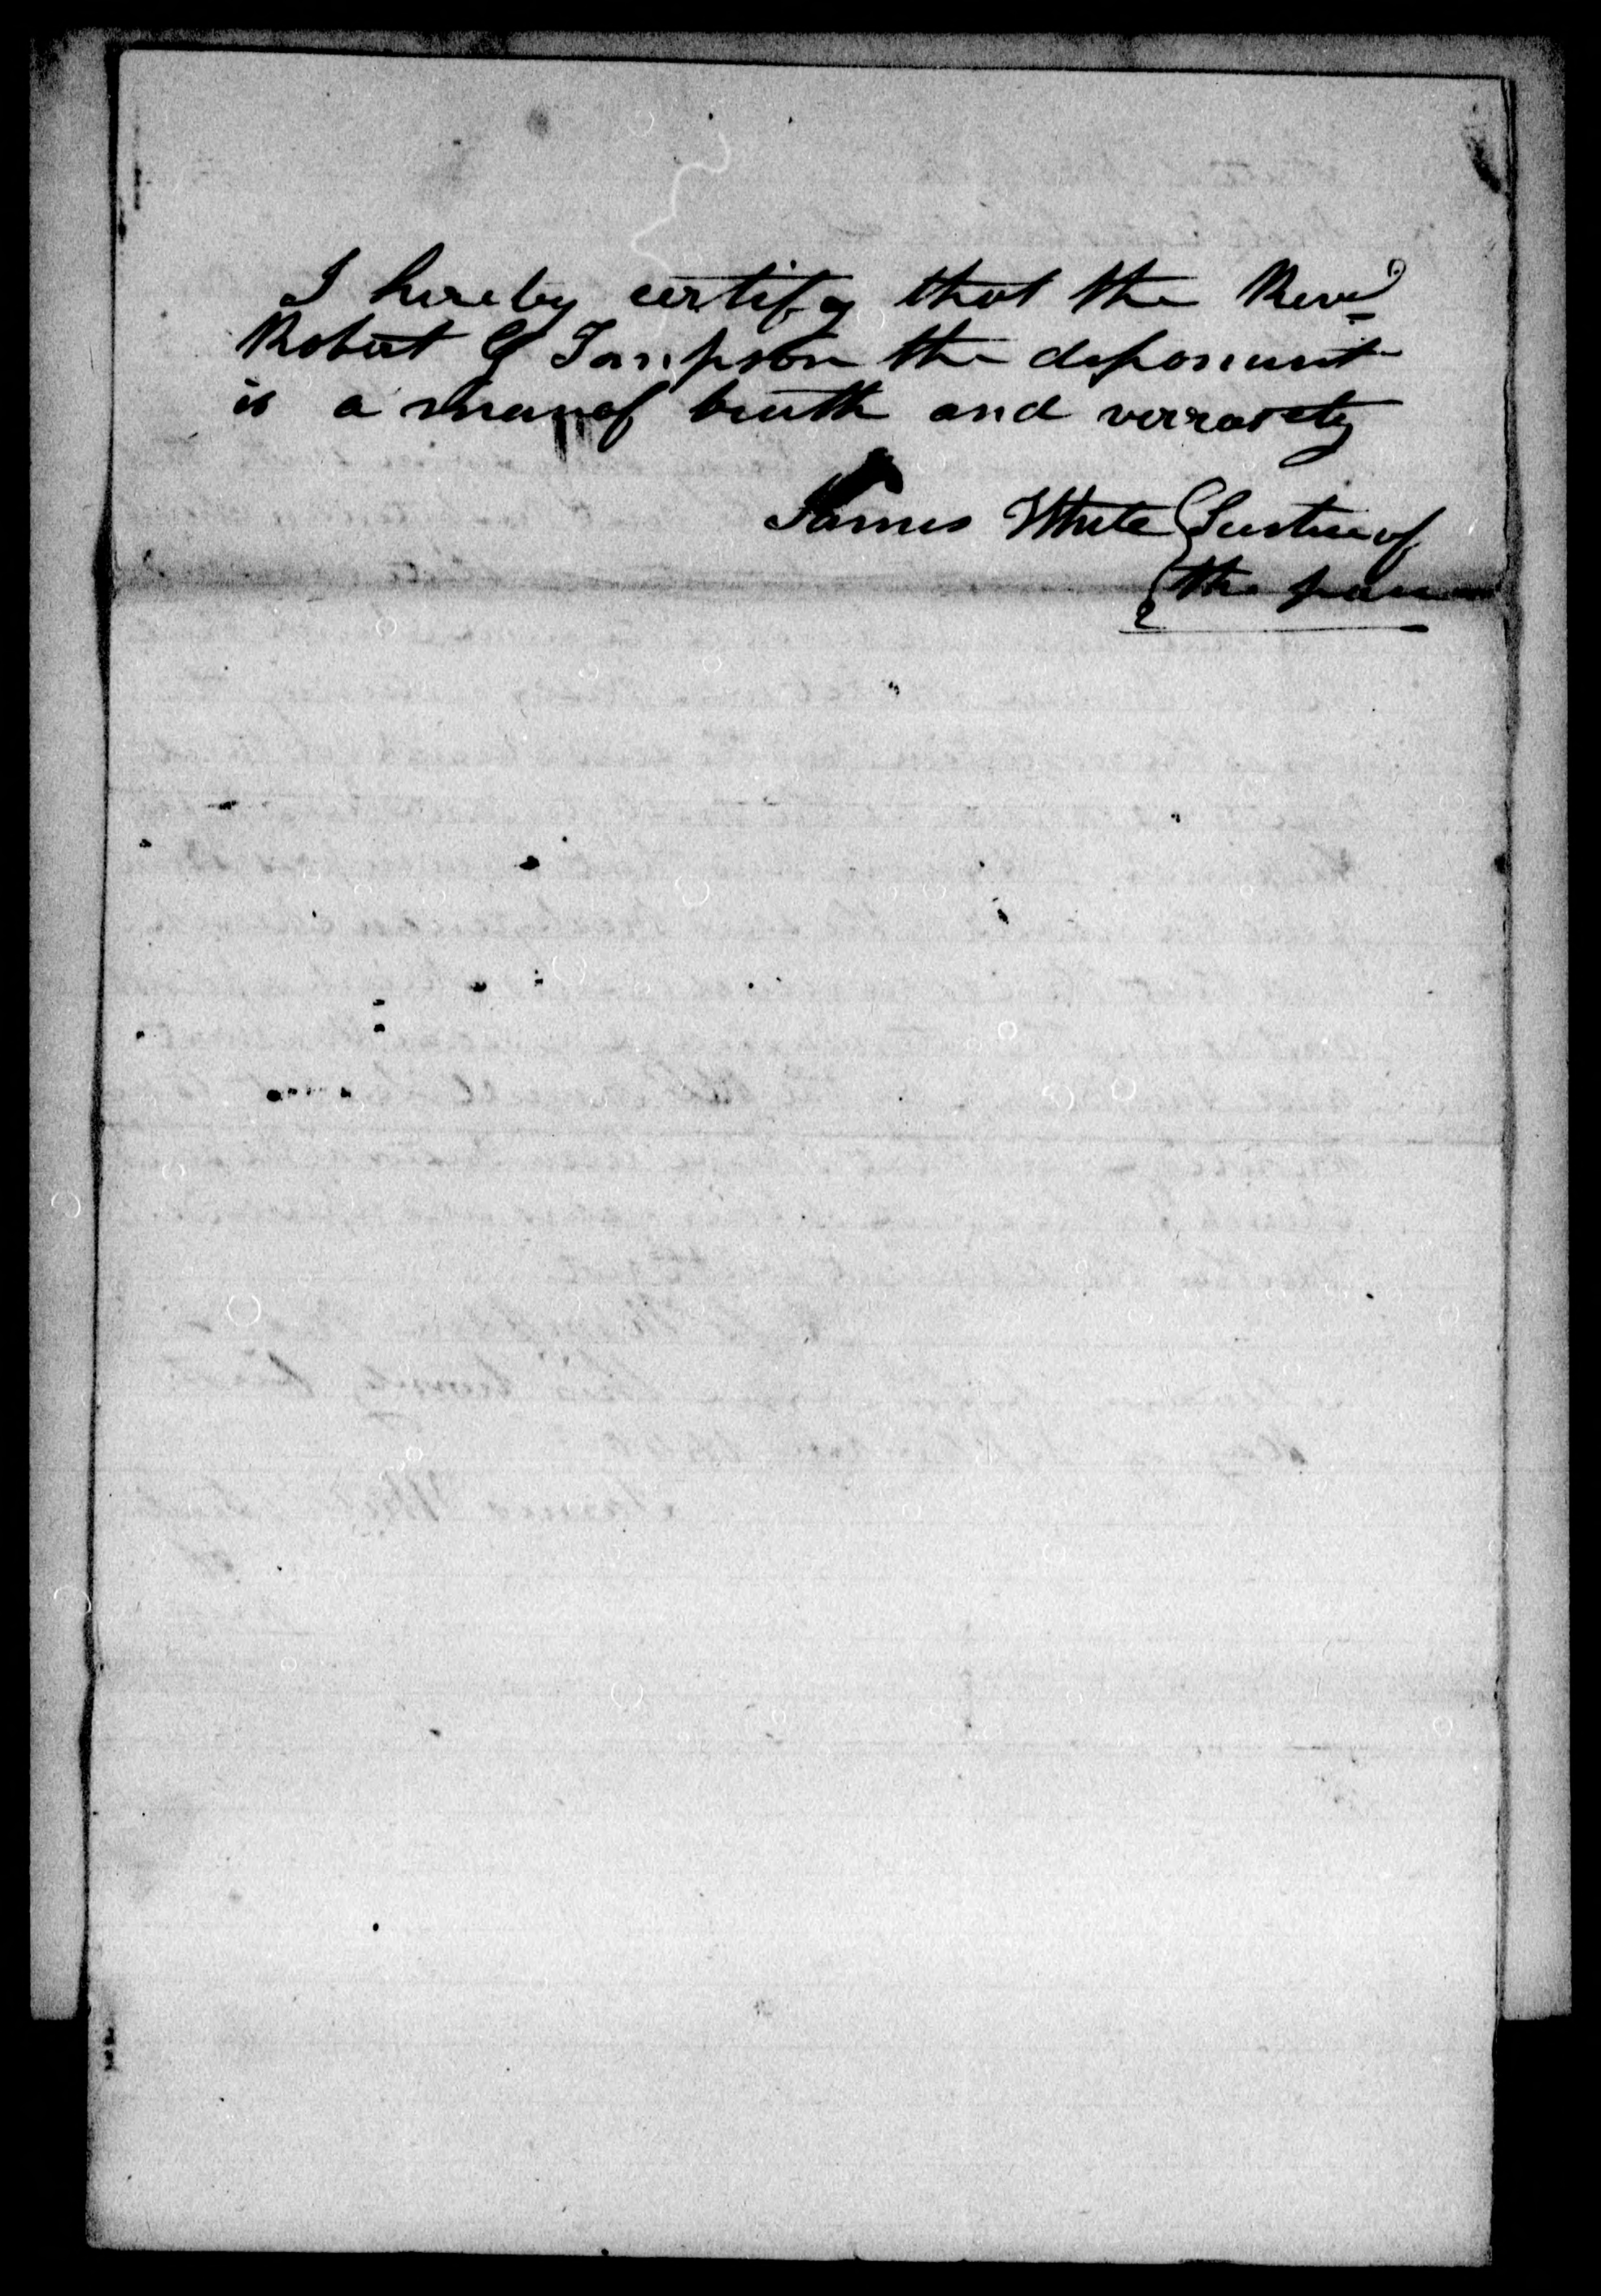I hereby certify that the Revd Robert G Sampson the deponent is a man of truth and veracity [signed] James White Justice of the peace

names: Robert G Tompson, James White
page: 76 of 102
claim: widow's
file: W. 18239, Isaac Van Wart, New York